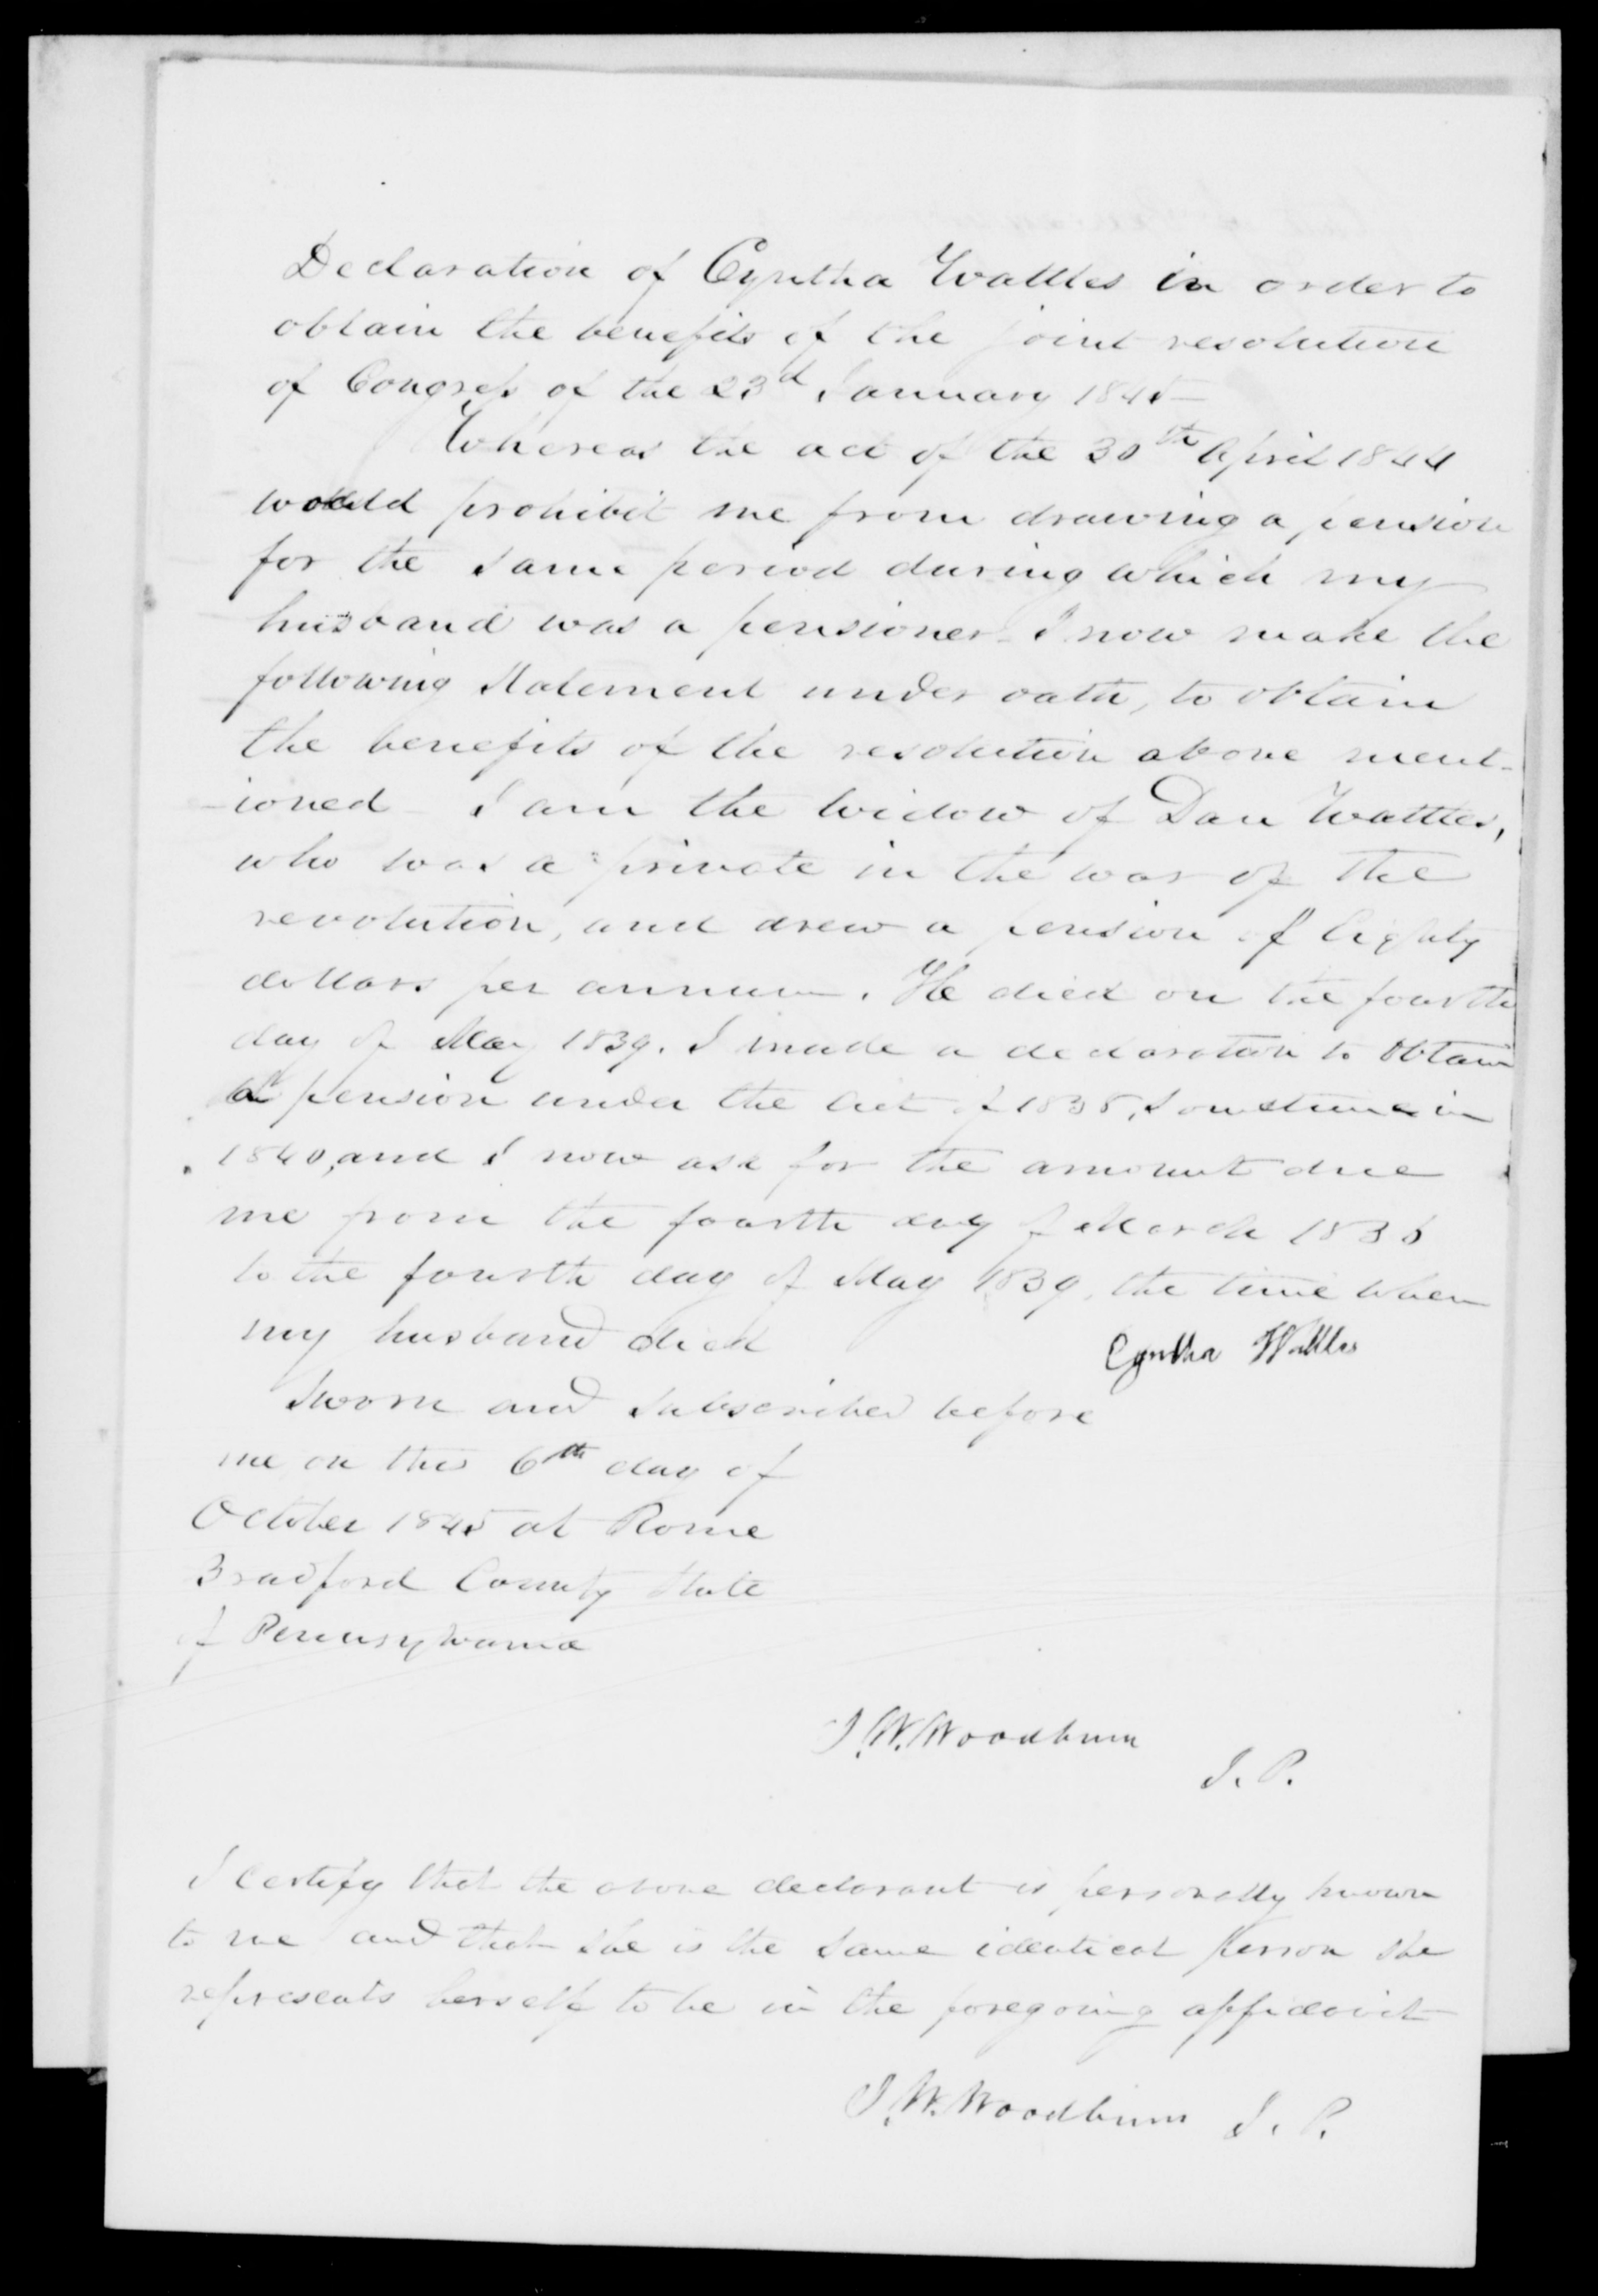Declaration of Cynthia Wattles in order to obtain the benefits of the joint resolution of Congress of the 23d January 184[ ].
Whereas the act of the 30th April 1844 would prohibit me from drawing a pension for the same period during which my husband was a pensioner,  I now make the following statement under oath to obtain the benefits of the resolution above mentioned.  I am the widow of Dan Wattles, who was a private in the war of the revolution, and drew a pension of Eighty dollars per annum.  He died on the fourth day of May 1839.  I  include a declaration to obtain a pension under the act of 1835 & [       ] in 1840, and I now ask for the amount due me from the fourth day of March 1836 to the fourth day of May 1839, the time when my husband died.
Cyntha Wattles

Sworn and Subscribed before me on this 6th day of October 1845 at Rome, Bradford County, State of Pennsylvania
J. W. Woodburn  J. P.

I certify that the above declarant is personally known to me and that she is the same identical person she represents herself to be in the foregoing affidavit.
J. W. Woodburn  J. P.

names: Cyntha Wattles, J W Woodburn, Dan Wattles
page: 69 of 70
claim: widow's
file: W. 3743, Dan Wattles, Conn.